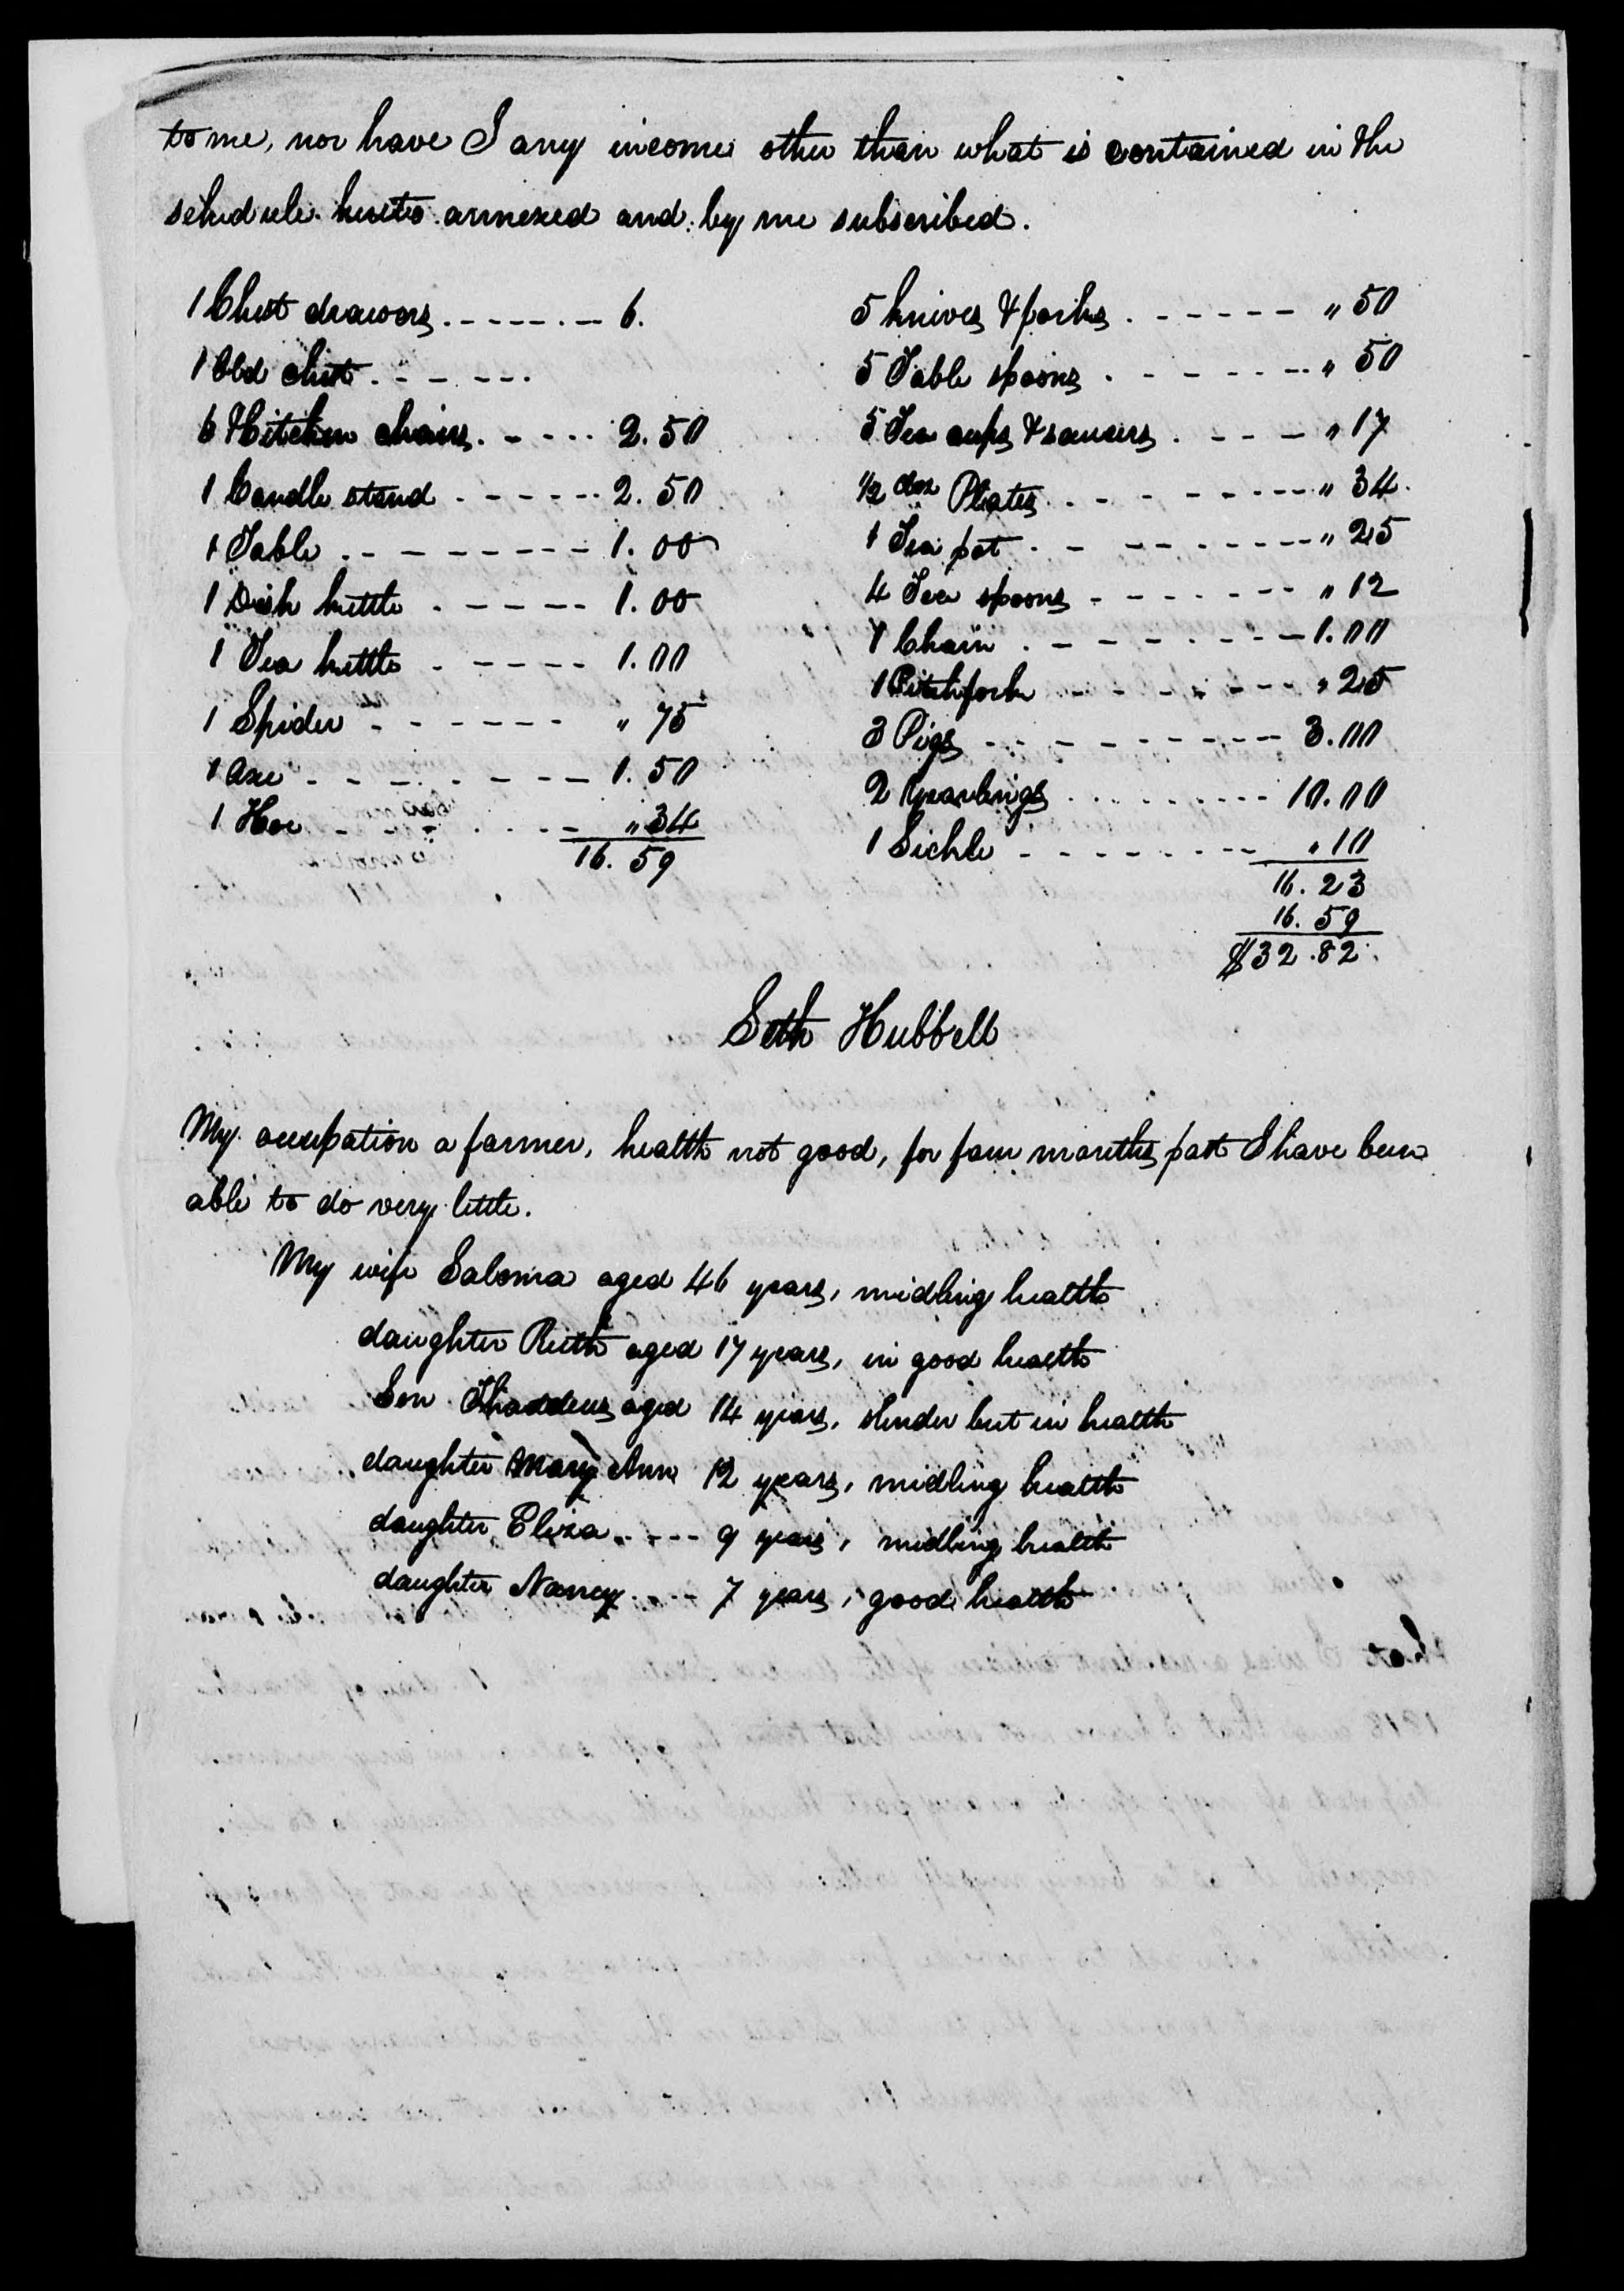[handwritten sheet]

to me, nor have I any incomes other than what is contained in the schedule hereto annexed and by me subscribed.

[table in two columns]
1 Chest drawers --- 6.
1 [Old?] chest --------
6 Kitchen chairs ---- 2.50
1 Candle stand ----- 2.50
1 Table -------------- 1.00
1 [unclear] Kettle ----1.00
1 Tea Kettle --------- 1.00
1 Spider --------------,,75
1 Axe ---------------- 1.50
1 [unclear] ----------- ,,34
                                16.59

5 knives & forks ------- ,,50
5 Table spoons -------- ,,50
5 tea cups & saucers --,,17
1/2 doz Plates ---------,,34
1 Tea Pot ---------------,,25
4 Tea spoons -----------,,12
1 Chair -----------------1.00
1 Pitchfork --------------,,25
3 Pigs ------------------3.00
2 [yearlings?] ---------10.00
1 Sickle -----------------,,10
                                   16.23
                                   16.59
                                  $32.82
Seth Hubbell
My occupation a farmer, health not good, for four months past I have been able to do very little.
My wife Saloma aged 46 years, middling health
daughter Ruth aged 17 years, in good health
Son Thaddeus aged 14 years slender but in health
daughter Mary Ann 12 years, middling health
daughter Eliza 9 years, middling health
daughter Nancy 7 years, good health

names: Ruth, Seth Hubbell, Eliza, Nancy, Saloma, Thaddeus, Mary Ann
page: 13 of 114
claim: widow's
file: W. 2115, Seth Hubbell, Conn.